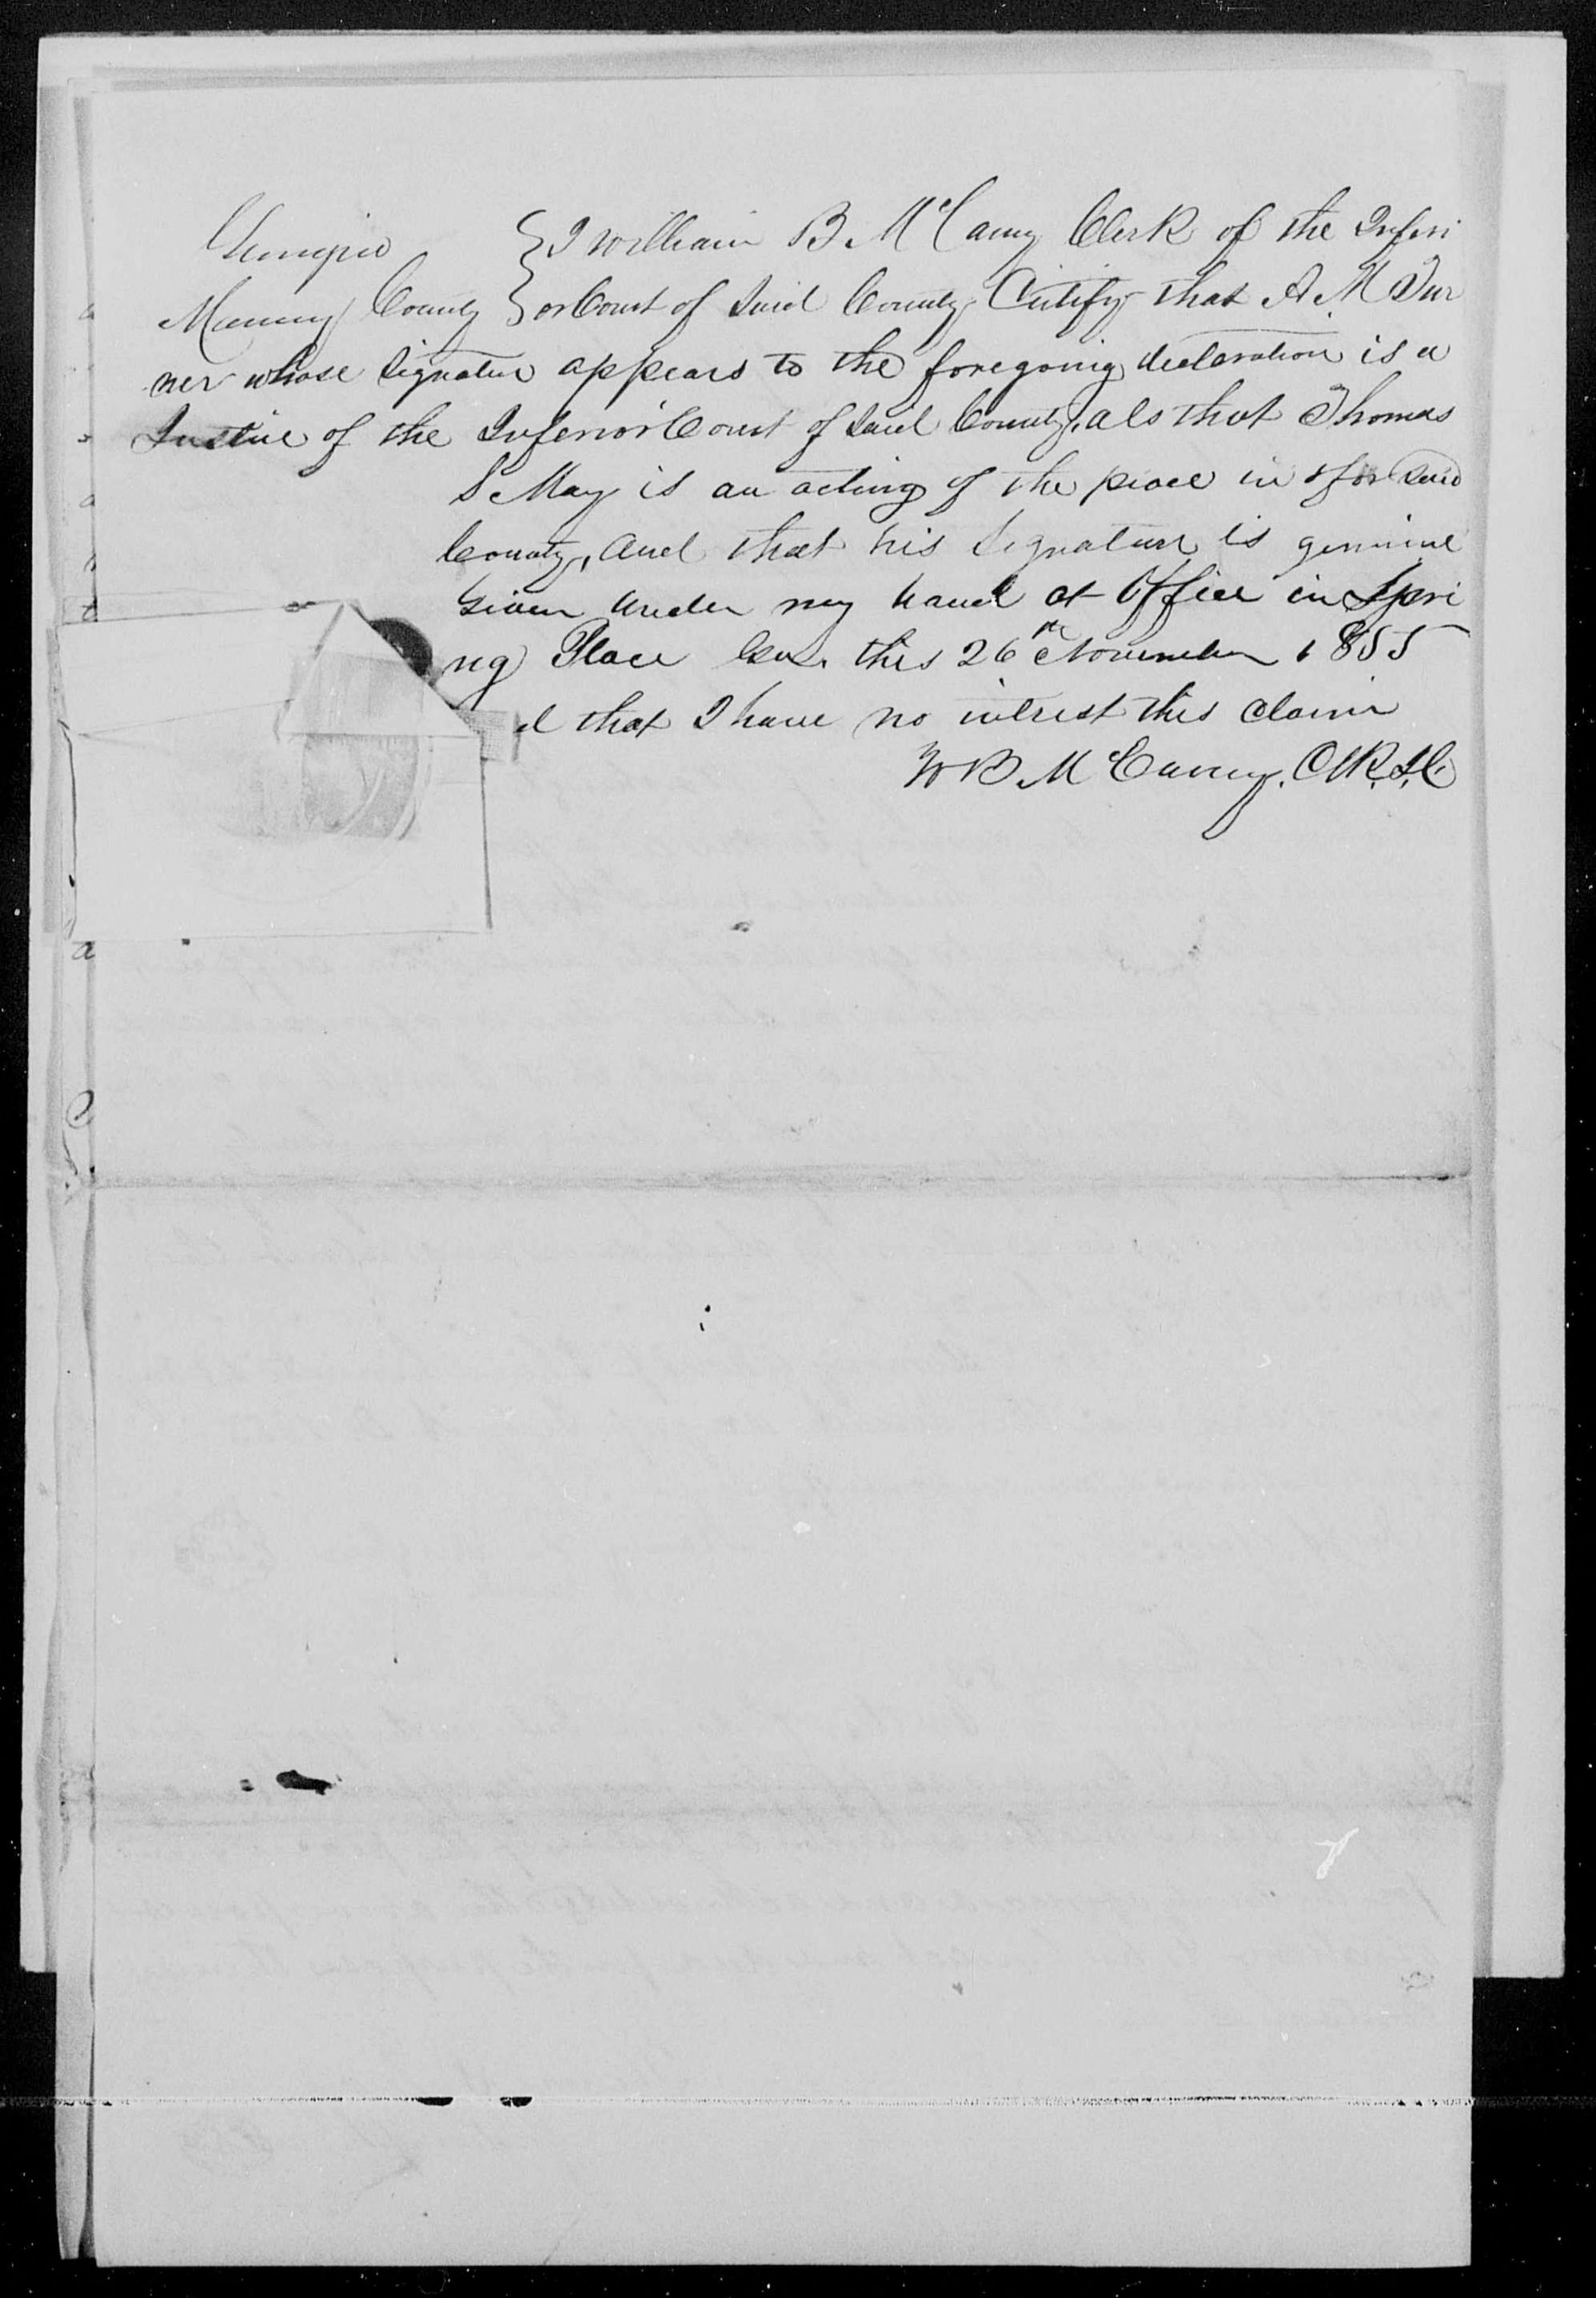Georgia
Murray County
I William B. M. Caney Clerk of the Inferior Court of said County Certify that A. M. Turner whose signature appears to the foregoing declaration is a Justice of the Inferior Court of said County, also that Thomas S. May is an acting of the peace in  aforesaid County, and that his Signature is genuine given under my [Illegible] of Office in Spring Place Ga. this 26th November 1855 [Illegible] that I have no interest this claim.
W. B. M. Caney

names: Thomas S May, A M Turner, William B Mc Caney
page: 16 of 75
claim: widow's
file: W. 25805, Andrew Hughes, N.C.